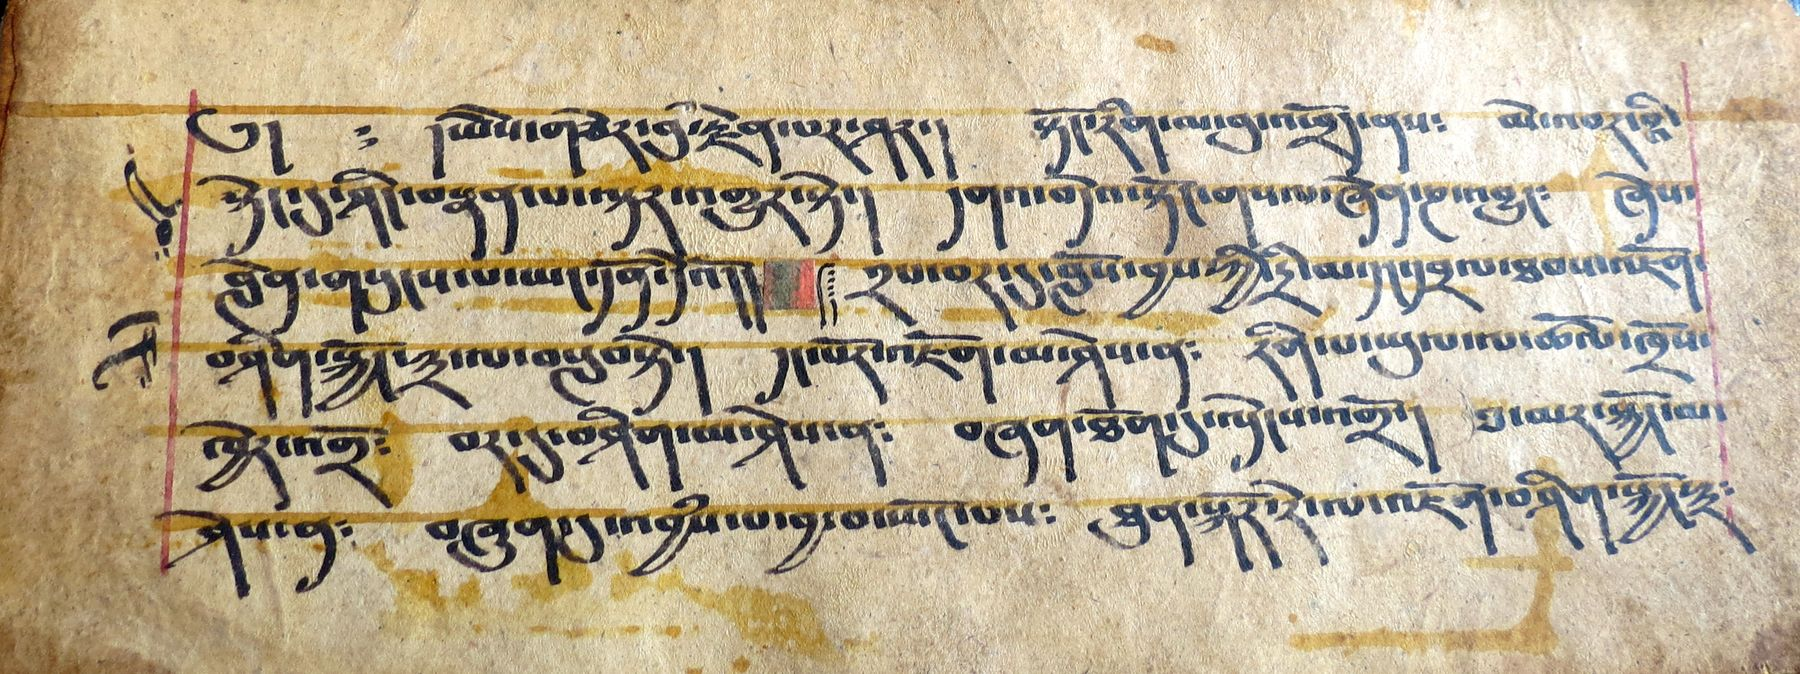ཡེ་ཤེས་གཅེར་བུ་རྗེན་བུ་རུ་འཆར། སྟོང་རིག་མ་བུ་འཕྲོད་ནས་ མེ་འབར་བའི་
སྟེང་དུ་ཤིང་བསྣན་པ་ལྟར་འགྱུར་ཏེ། དགའ་བདེ་སྟོང་གསལ་ཞེན་མེད་འབྱུང་ཞེས་
བླ་ཆེན་གྱིས་གསུངས་པ་ཡང་དོན་དེའོ། ། གཉིས་པ་བར་དུ་བློས་བྱས་ཀྱི་དྲི་མ་དང་བྲལ་ཐབས་འཇོག་
བཤིགས་སྐྱོང་གསུམ་ལས་བསླབ་སྟེ། དང་པོར་འཇོག་མ་ཤེས་ན། རིག་པ་ཡུལ་ལ་ཚོལ་ཁྲོ༼འཕྲོ༽
ཁྱེར་ནས་འགྲོ། བར་དུ་བཤིགས་མ་ཤེས་ན་བཞག་ཐོག་ཏུ་ལྡིངས་ནས་འགྲོ། ཐ་མར་སྐྱོང་མ་
ཤེས་ན་གཞུག་ཏུ་འབྱམས་པ་བྱ་བ་འོང་བས། ཐུན་སྐོར་རེ་རེ་ལ་འཇོག་བཤིགས་སྐྱོང་གསུམ་